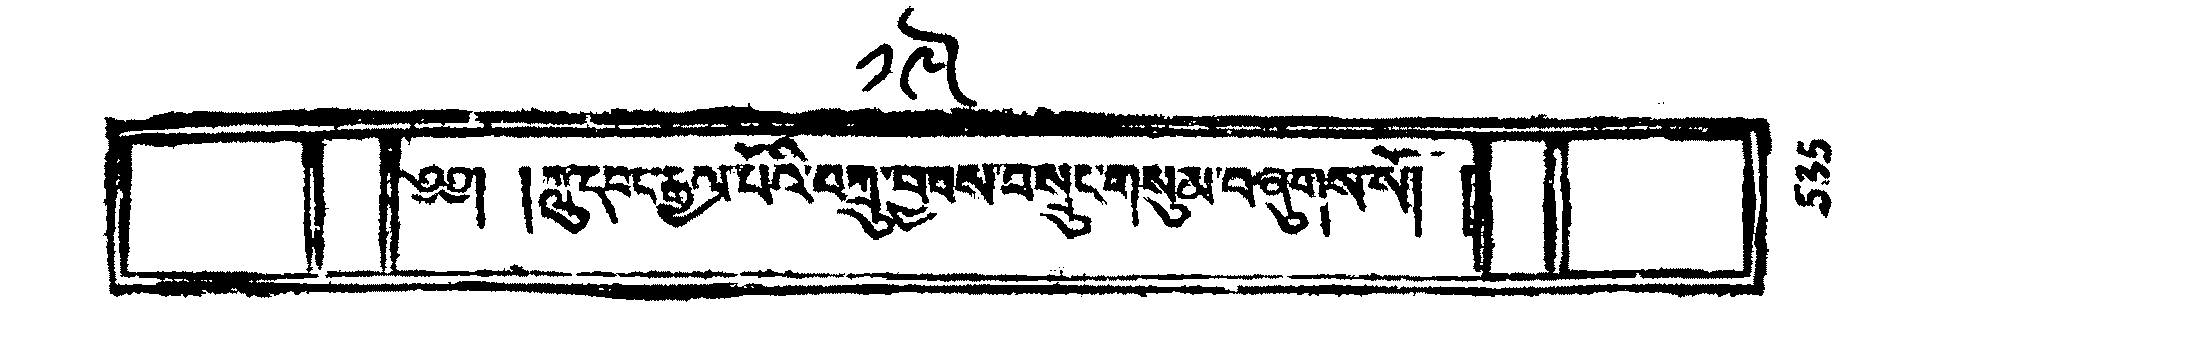༄༅། །ཀླུ་དབང་རྒྱལ་པོའི་བཀྲུ་བྱབས་བསྲུང་གསུམ་བཞུགས་སོ། །